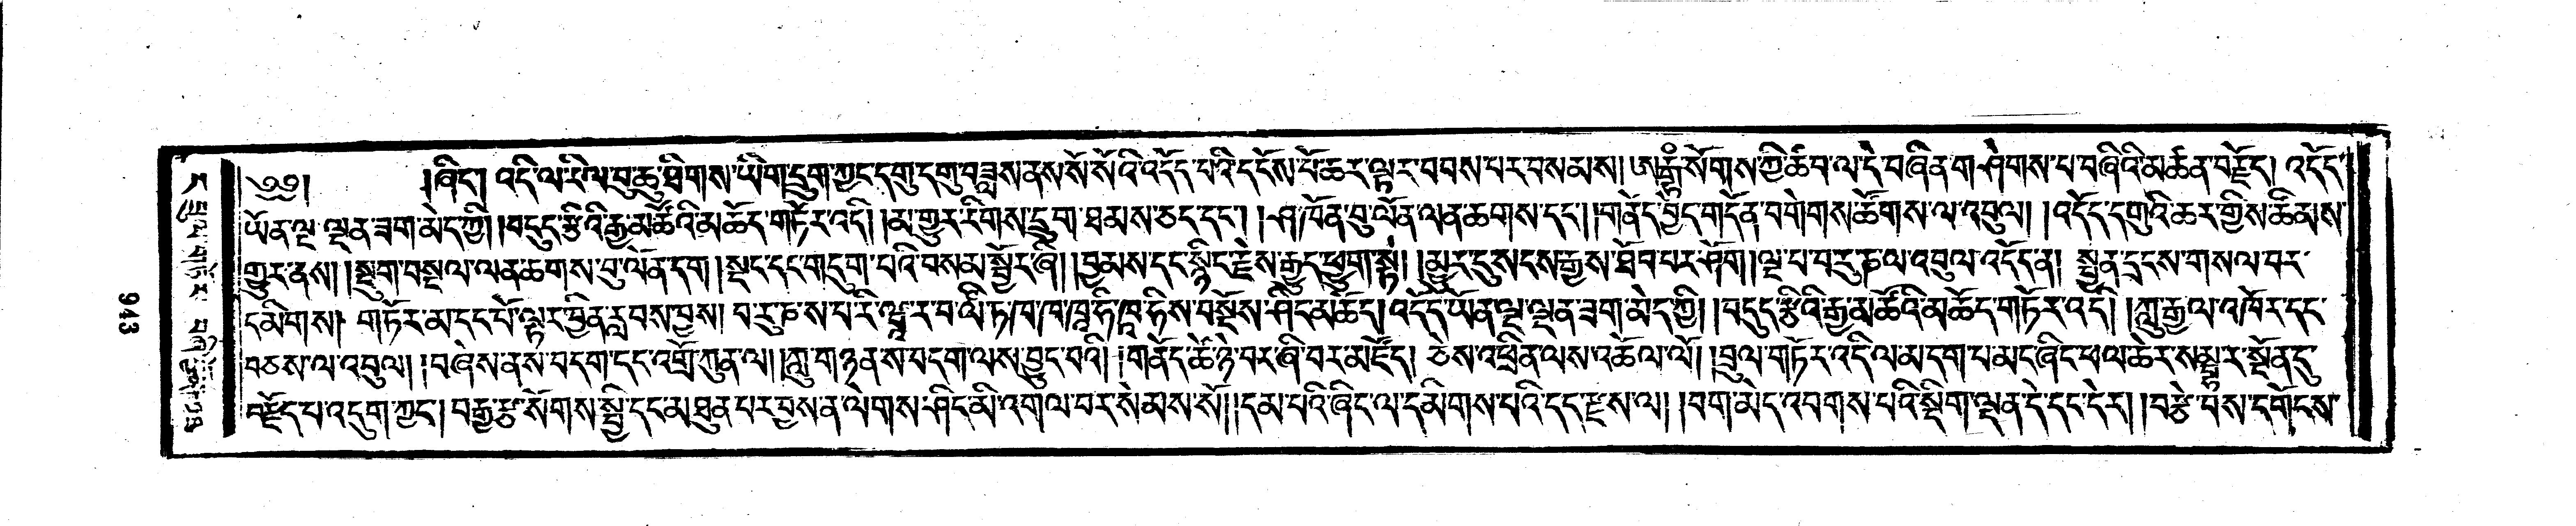༄༅། །ཞིང་། འདི་ལ་རིལ་བུ་ཆུ་ཐིགས་ཡིག་དྲུག་ཀྱང་དགུ་དགུ་བཟླས་ནས་སོ་སོའི་འདོད་པའི་དངོས་པོ་ཆར་ལྟར་བབས་པར་བསམས། ཨརྒྷཾ་སོགས་ཀྱི་ཚབ་ལ་དེ་བཞིན་གཤེགས་པ་བཞིའི་མཚན་བརྗོད། འདོད་
ཡོན་ལྔ་ལྡན་ཟག་མེད་ཀྱི། །བདུད་རྩིའི་རྒྱ་མཚོའི་མཆོད་གཏོར་འདི། །མ་གྱུར་རིགས་དྲུག་ཐམས་ཅད་དང་། །ཤ་ཁོན་བུ་ལོན་ལན་ཆགས་དང་། །གནོད་བྱད་གདོན་བགེགས་ཚོགས་ལ་འབུལ། །འདོད་དགུའི་ཆར་གྱིས་ཚིམས་
གྱུར་ནས། །སྡུག་བསྔལ་ལན་ཆགས་བུ་ལོན་དག །སྡང་དང་གདུག་པའི་བསམ་སྦྱོར་ཞི། །བྱམས་དང་སྙིང་རྗེས་རྒྱུད་ཕྱུག་སྟེ། །མྱུར་དུ་སངས་རྒྱས་ཐོབ་པར་ཤོག །ལྔ་པ་བ་རུ་ཎ་ལ་འབུལ་འདོད་ན། སྤྱན་དྲངས་གསལ་བར་
དམིགས། གཏོར་མ་དང་པོ་ལྟར་བྱིན་རླབས་བྱས། བ་རུ་ཎ་ས་པ་རི་ཝཱ་ར་བ་ལིཾ་ཏ་ཁ་ཁ་ཁ་ཧི་ཁཱ་ཧིས་བསྔོས་ཤིང་མཆོད། འདོད་ཡོན་ལྔ་ལྡན་ཟག་མེད་ཀྱི། །བདུད་རྩིའི་རྒྱ་མཚོའི་མཆོད་གཏོར་འདི། །ཀླུ་རྒྱལ་འཁོར་དང་
བཅས་ལ་འབུལ། །བཞེས་ནས་བདག་དང་འགྲོ་ཀུན་ལ། །ཀླུ་གཉན་ས་བདག་ལས་བྱུང་བའི། །གནོད་ཚེ་ཉེ་བར་ཞི་བར་མཛོད། ཅེས་འཕྲིན་ལས་འཆོལ་ལོ། །བྲུལ་གཏོར་འདི་ལ་མ་དག་པ་མང་ཞིང་ཕལ་ཆེར་སམྦྷ་ར་སྔོན་དུ་
བརྗོད་པ་འདུག་ཀྱང་། བརྒྱ་རྩ་སོགས་སྤྱི་དང་མཐུན་པར་བྱས་ན་ལེགས་ཤིང་མི་འགལ་བར་སེམས་སོ། །དམ་པའི་ཞིང་ལ་དམིགས་པའི་དད་རྫས་ལ། །བག་མེད་འབགས་པའི་སྡིག་ལྡན་དེ་དང་དེར། །བརྩེ་བས་དགོངས་